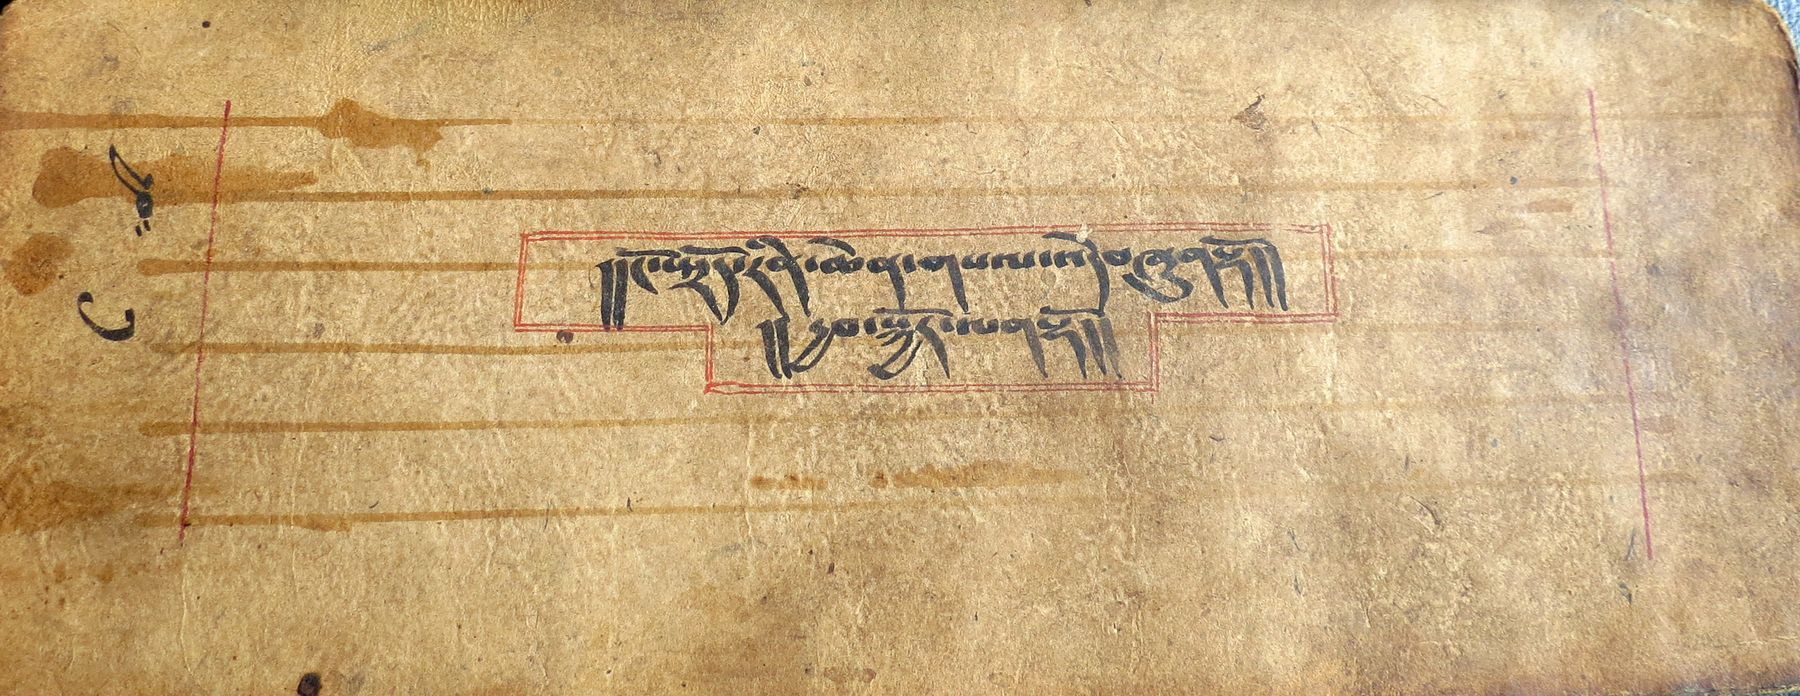ངོ་སྤྲོད་རིན་པོ་ཆེ་གསལ་འདེབས་བཞུགས་སོ། 
 །། རྒྱབ་སྐྱོར་ལགས་སོ། །